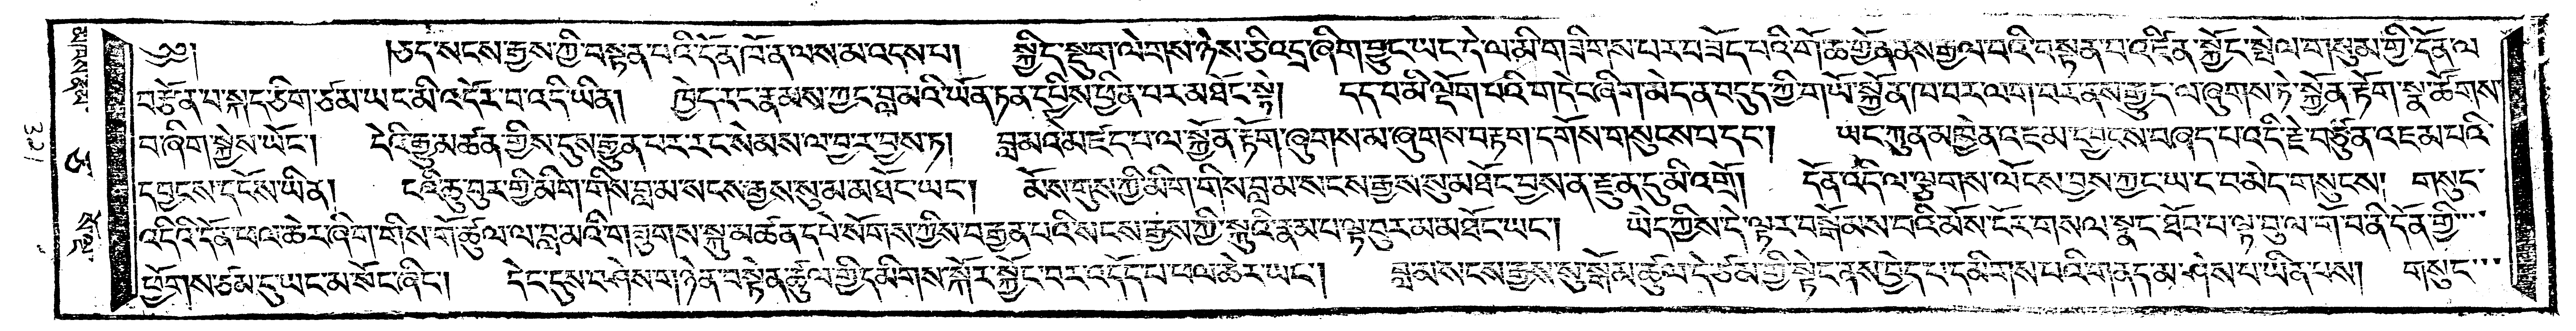༄༅། །ཅད་སངས་རྒྱས་ཀྱི་བསྟན་པའི་དོན་ཁོ་ན་ལས་མ་འདས་པ། སྐྱིད་སྡུག་ལེགས་ཉེས་ཅི་འདྲ་ཞིག་བྱུང་ཡང་དེ་ལ་མི་གཟིགས་པར་བཟོད་པའི་གོ་ཆ་གྱོན་ནས་རྒྱལ་བའི་བསྟན་བ་འཛིན་སྐྱོང་སྤེལ་གསུམ་གྱི་དོན་ལ་
བརྩོན་པ་སྐད་ཅིག་ཙམ་ཡང་མི་འདོར་བ་འདི་ཡིན། ཁྱེད་རང་རྣམས་ཀྱང་བླ་མའི་ཡོན་ཏན་དཔྱིས་ཕྱིན་པར་མཐོང་སྟེ། དད་པ་མི་ལྡོག་པའི་གདེབ་ཞིག་མེད་ན་བདུད་ཀྱི་གྱོ་སྐྱོན་ཁ་བར་ལག་བར་ནས་རྒྱུད་ལ་ཞུགས་ཏེ་སྐྱོན་རྟོག་སྣ་ཚོགས་
བ་ཞིག་སྐྱེས་ཡོང་། དེའི་རྒྱུ་མཚན་གྱིས་དུས་རྒྱུན་པར་རང་སེམས་ལ་བྱ་ར་བྱས་ཏེ། བླ་མའི་མཛད་པ་ལ་སྐྱོན་རྟོག་ཞུགས་མ་ཞུགས་བརྟག་དགོས་གསུངས་པ་དང་། ཡང་ཀུན་མཁྱེན་འཇམ་དབྱངས་བཞད་པ་འདི་རྗེ་བཙུན་འཇམ་པའི་
དབྱངས་དངོས་ཡིན། ངའི་ཆུ་བུར་གྱི་མིག་གིས་བླ་མ་སངས་རྒྱས་སུ་མ་མཐོང་ཡང་། མོས་གུས་ཀྱི་མིག་གིས་བླ་མ་སངས་རྒྱས་སུ་མཐོང་བྱས་ན་རྫུ་ན་དུ་མི་འགྲོ། དོན་འདི་ལ་ལྕགས་ལོངས་བྱས་ཀྱང་ཡང་བ་མེད་གསུངས། གསུང་
འདིའི་དོན་ཕལ་ཆེར་ཞིག་གིས་གོ་ཚུལ་ལ་བླ་མའི་གཟུགས་སྐུ་མཚན་དཔེ་སོགས་ཀྱིས་བརྒྱན་པའི་སངས་རྒྱས་ཀྱི་སྐུའི་རྣམ་པ་ལྟ་བུར་མ་མཐོང་ཡང་། ཡིད་ཀྱིས་དེ་ལྟར་བསྒོམ་བའི་མོས་ངོར་གསལ་སྣང་ཐོབ་པ་ལྟ་བུ་ལ་གོ་བ་ནི་དོན་གྱི་
ཕྱོགས་ཙམ་དུ་ཡང་མ་སོང་ཞིང་། དེང་དུས་བཤེས་གཉེན་བསྟེན་ཚུལ་གྱི་དམིགས་སྐོར་སྐྱོང་བར་འདོད་པ་ཕལ་ཆེར་ཡང་། བླ་མ་སངས་རྒྱས་སུ་སྒོམ་ཚུལ་དེ་ཙམ་གྱི་སྟེང་ནས་བྱེད་པ་དམིགས་པའི་གནད་མ་ཤེས་པ་ཡིན་པས། གསུང་